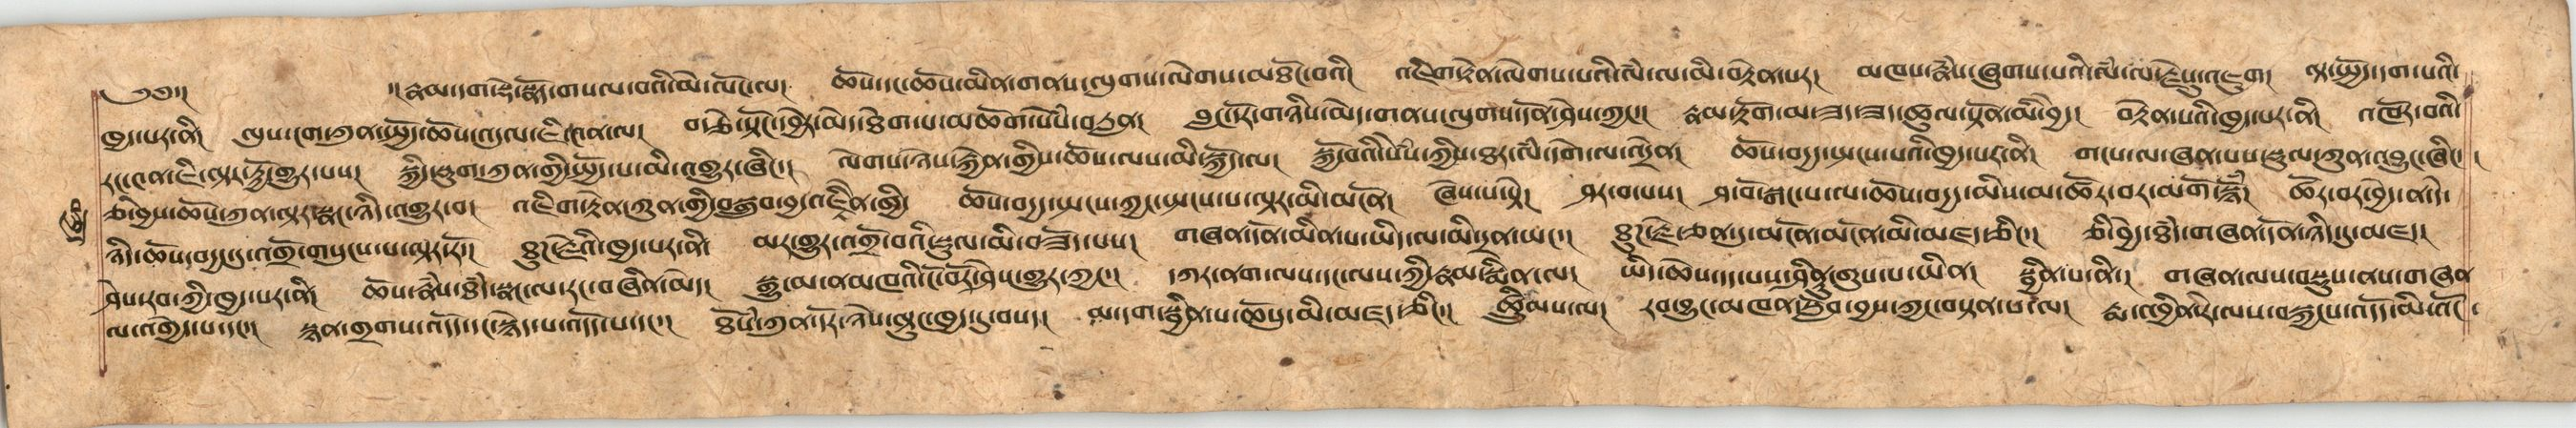་། རྣམ་དག་སྡེ་སྣོད་གསལ་བའི་མེ་ལོང་ལ། ཆོས་དང་ཆོས་མིན་གནས་ལུགས་ལེགས་མཐོང་བའི། འཇིག་རྟེན་ལེགས་པའི་ལཾ་ལ་མི་བརྟེན་པར། མཁས་རྣཾས་ཞུགས་པའི་ལཾ་ལ་རྗེསུ་འཇུག། ལྟ་སྤྱོད་དག་པའི་
ཁྱད་པར་ནི། ལུས་ངག་ཀུན་སྤྱོད་ཆོས་འདུལ་ཇི་༤ན་ལ། བརྩེ་སྟོང་དབྱེར་མེད་ཐེག་པ་མཆོག་སེྃས་བརླན། བླང་དོར་གཉིས་མེད་གནས་ལུགས་དོན་ཤེས་ཀྱང་། རྣམ་རྟོག་མ་ཟད་ཟད་ཚུལ་སྟོན་མི་བྱེད། བརྟེན་པའི་ཁྱད་པར་ནི། འཁོར་བའི་
རང་༤ན་ཇི་ལྟར་རྟྱོ་གྱུར་པས། སྐྱིད་བུག་ཀུན་གྱི་སྤྱོད་པ་མི་འགྱུར་ཞིང་། ལེགས་ཉེས་རྐྱེན་གྱིས་ཆོས་ལས་མི་སྐྱོད་ལ། སྐྱོ་བའི་སེཾས་ཀྱིས་ཐར་ལྃ་དགེ་ལ་འདྲེན། ཆོས་བདྱད་སྤངས་པའི་ཁྱད་པར་ནི། གང་ལ་ཞན་པས་སྡུལ་ཀུན་འབྱུང་ཞིང་།
ཅི་བྱས་ཆོས་ཀུན་ལྟར་སྣང་ཉིད་འགྱུར་བ། འཇིག་རྟེན་ཀུན་གྱི་བསྒྲུབ་བྱ་འཇྟིེན་གྱི། ཆོས་བདྱད་སྤངས་ཀྱང་སྤངས་པ་ལྟར་མི་མངོན། ཞེས་པ་སྟེ། ཤར་བ་པས། ཤ་བོ་སྒང་པ་ལ་ཆོས་བདྱད་མིས་མ་ཚོར་བར་མགོ་སྙོྃ། ཚོར་བར་བྱེད་ན་དེ་
ཉིད་ཆོས་བདྱད་དུ་འགྲོ་གསུང་པ་ལྟར་རོ། ཐུཌ་རྗེའི་ཁྱད་པར་ནི། མར་གྱུར་འགྲོ་བའི་སྡུལ་མ་བཟོད་པས། གཞན་དོན་མིན་པ་ཡིད་ལ་མི་དྲན་ཡང་། ཐུཌ་རྗེ་ཅན་དུ་མངོན་མངོན་མི་མཛད་ཅིང་། ཅི་བྱེད་ཐྃད་གཞན་དོན་ཉིད་དུ་མཛད།
ཤེས་རབ་ཀྱི་ཁྱད་པར་ནི། ཆོས་རྣྃས་ཐྃད་སྣང་ལ་རང་བཞིན་མེད། སྒྱུ་མ་ནམམཁའི་ངོ་བོར་ཤེས་གྱུར་ཀྱང་། དཀར་ནག་ལས་དང་ལས་ཀྱི་རྣམ་སྨིན་ལ། ཡིད་ཆེས་དད་པས་ཤིནྟུ་གུས་པ་ཡིན། སྦྱིན་པ་ནི། གཞན་ལས་བསྡུས་ནས་གཞན
ལ་འགྱེད་པ་དང་། སྙན་གྲགས་འདོད་དང་རྙེད་པ་འདོད་པ་དང་། ཐོསཾ་ཀུན་དོར་ཉེས་ལྟུང་ཁྱད་དུ་བསད། མ་དག་སྦྱིན་པ་ཆོསུ་མི་མཛད་ཅིང་། ཚྲིུམས་ལ། རབ་བྱུང་མཁན་སློབ་བྱས་ཀྱང་བསྟན་པ་ལ། རྨ་འབྱིན་རེ་ལས་བསྐྱངས་འདོད་མི་འོང་